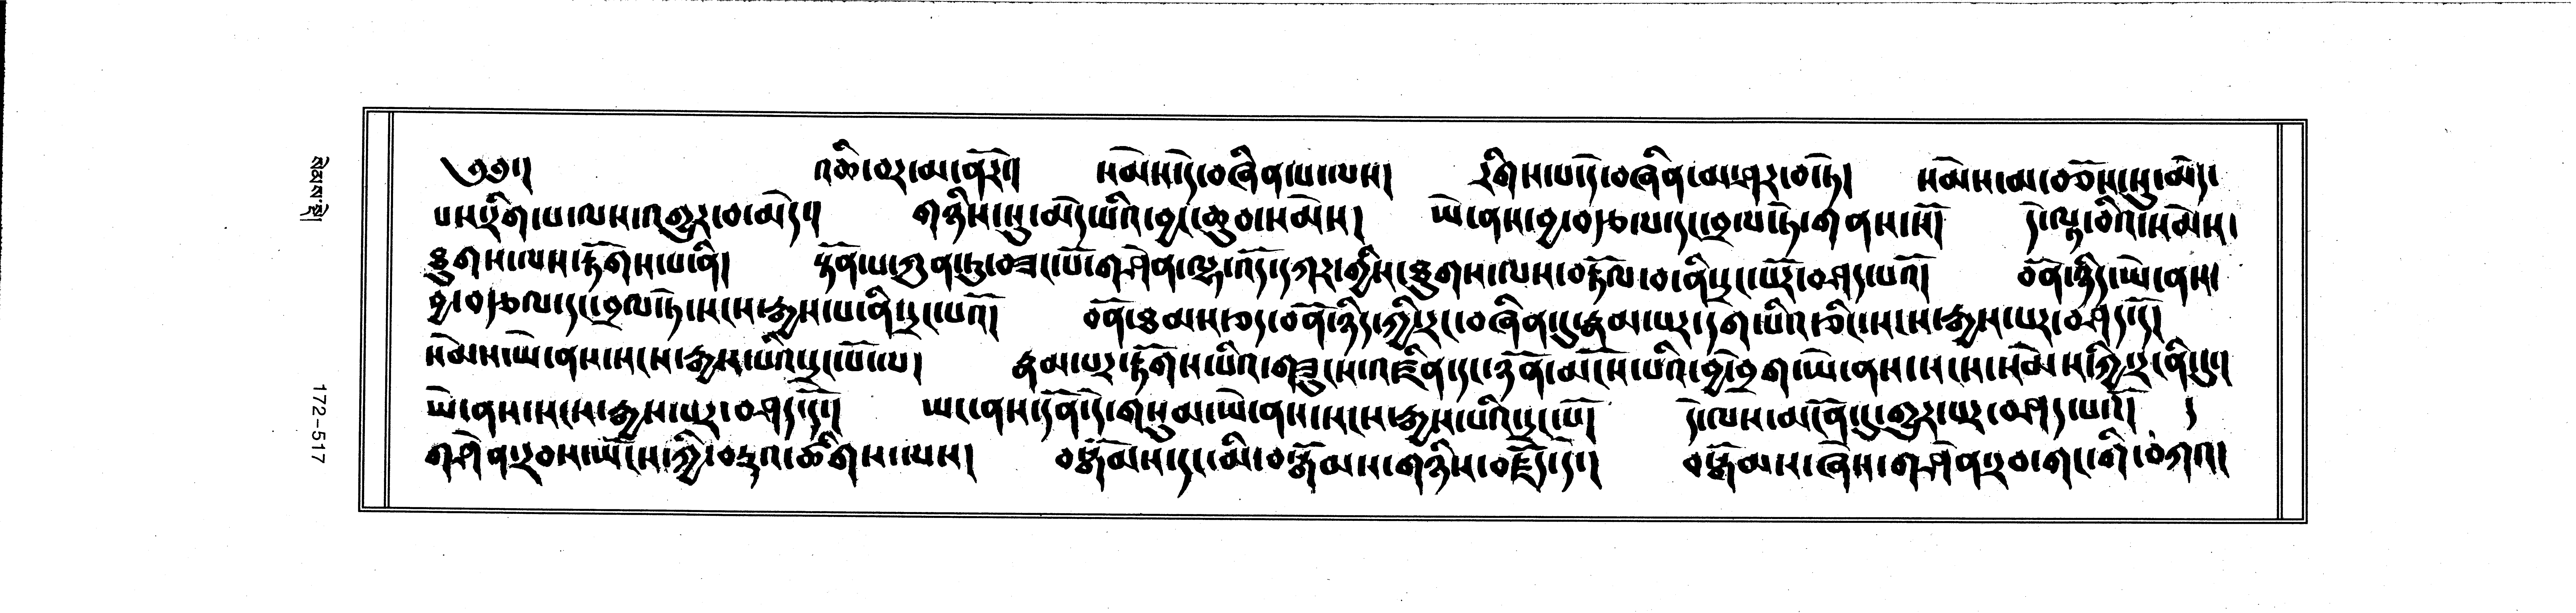སེམས་དེ་བཞིན་པ་ལས། རིག་པ་དེ་བཞིན་མ་ཤར་བ་ཏེ། སེམས་མ་བཅོས་སུ་མེད་
པས་རིག་པ་ལས་འགྱུར་བ་མེད། གཉིས་སུ་མེད་པའི་བྱང་ཆུབ་སེམས། ཡེ་ནས་བྱ་བརྩལ་དང་བྲལ་ཏེ་གནས་སོ། དེ་ལྟ་བའི་སེམས་
ཐུགས་ལས་རྟོགས་པ་ནི། སྟོན་པ་ཀུན་ཏུ་བཟང་པོ་གཤེན་ལྷ་འོད་དཀར་གྱིས་ཐུགས་ལས་བརྟོལ་བ་ནི་དྲང་པོར་བཤད་པའོ། བོན་ཉིད་ཡེ་ནས་
བྱ་བརྩལ་དང་བྲལ་ཏེ་སངས་རྒྱས་པ་ནི་དྲང་པའོ། བོན་ཐམས་ཅད་བོན་ཉིད་ཀྱི་རང་བཞིན་དུ་རྣམ་པར་དག་ཅིང་སངས་རྒྱས་པར་བཤད་དོ། 
སེམས་ཡེ་ནས་སངས་རྒྱས་པའི་དྲང་པོ་ལ། རྣམ་པར་རྟོགས་པའི་གཟུངས་འཛིན་དང་ཉོན་མོངས་པའི་བྱེ་བྲག་ཡེ་ནས་སངས་སེམས་ཀྱི་རང་བཞིན་དུ། 
ཡེ་ནས་སངས་རྒྱས་པར་བཤད་དོ། ཡང་ནས་དོན་དེ་གསུམ་ཡེ་ནས་སངས་རྒྱས་པའི་དྲང་པོ། དེ་ལས་མངོན་དུ་གྱུར་པར་བཤད་པའོ། 
གཤེན་རབ་ཡོངས་ཀྱི་བརྡའ་ཚིག་ལས། བསྒོམས་དང་མི་བསྒོམས་གཉིས་བརྗོད་དེ། བསྒོམས་ཞེས་གཤེན་རབ་གང་གི་བཀའ།